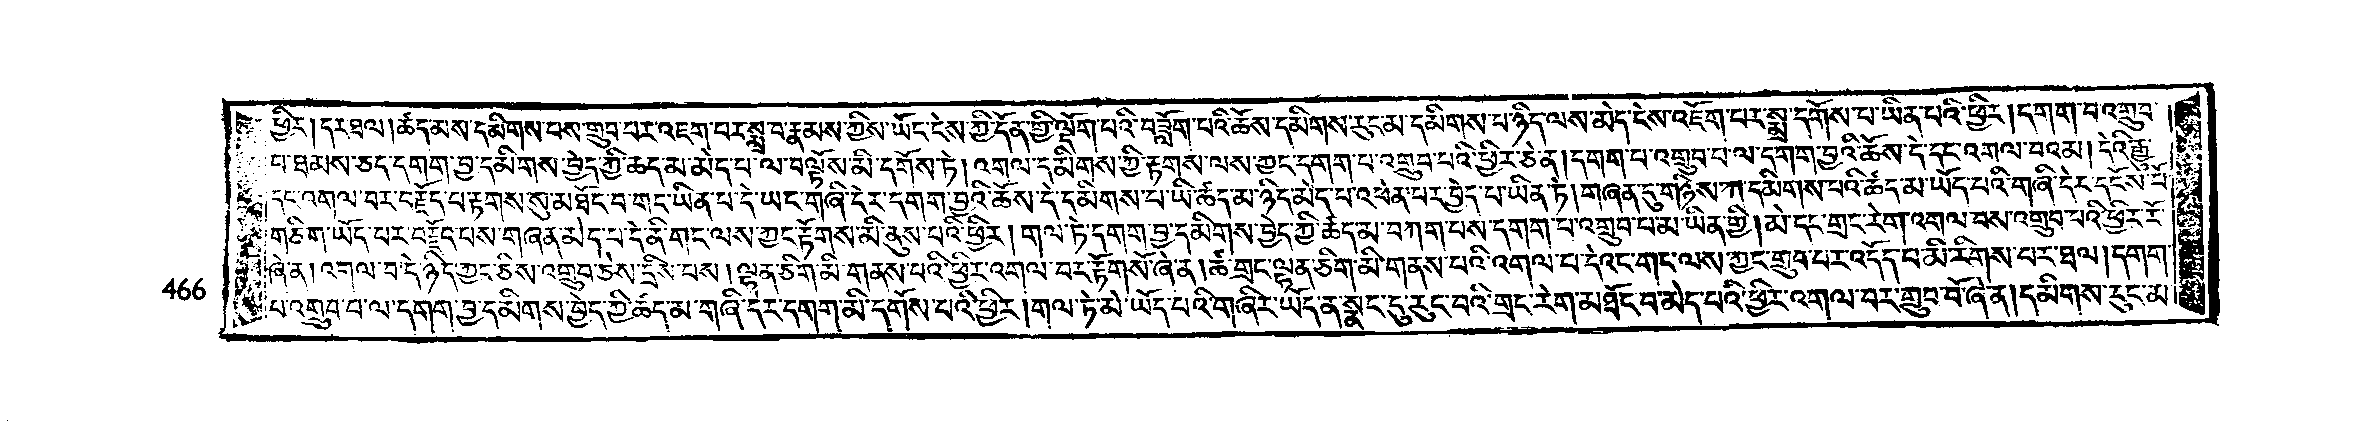ཕྱིར། དར་ཐལ། ཚད་མས་དམིགས་པས་གྲུབ་པར་འཇག་པར་སྨྲ་བ་རྣམས་ཀྱིས་ཡོང་ངེས་ཀྱི་དོན་གྱི་ལྡོག་པའི་བཟློག་པའི་ཆོས་དམིགས་རུང་མ་དམིགས་པ་ཉིད་ལས་མེད་ངེས་འཇོག་པར་སྨྲ་དགོས་པ་ཡིན་པའི་ཕྱིར། དགག་པ་འགྲུབ་
པ་ཐམས་ཅད་དགག་བྱ་དམིགས་བྱེད་ཀྱི་ཚད་མ་མེད་པ་ལ་བལྟོས་མི་དགོས་ཏེ། འགལ་དམིགས་ཀྱི་རྟགས་ལས་ཀྱང་དགག་པ་འགྲུབ་པའི་ཕྱིར་ཅེ་ན། དགག་པ་འགྲུབ་པ་ལ་དགག་བྱའི་ཆོས་དེ་དང་འགལ་བའམ། དེའི་རྒྱུ་
དང་འགལ་བར་བརྗོད་པ་རྟགས་སུ་མཐོང་བ་གང་ཡིན་པ་དེ་ཡང་གཞི་དེར་དགག་བྱའི་ཆོས་དེ་དམིགས་པ་ཡི་ཚད་མ་ཉིད་མེད་པ་འཕེན་པར་བྱེད་པ་ཡིན་ཏེ། གཞན་དུ་གཉིས་ཀ་དམིགས་པའི་ཚད་མ་ཡོད་པའི་གཞི་དེར་དངོས་པོ་
གཅིག་ཡོད་པར་བརྗོད་པས་གཞན་མེད་པ་དེ་ནི་གང་ལས་ཀྱང་རྟོགས་མི་ནུས་པའི་ཕྱིར། གལ་ཏེ་དགག་བྱ་དམིགས་བྱེད་ཀྱི་ཚད་མ་བཀག་པས་དགག་པ་འགྲུབ་པ་མ་ཡིན་གྱི། མེ་དང་གྲང་རེག་འགལ་བས་འགྲུབ་པའི་ཕྱིར་རོ་
ཞེ་ན། འགལ་བ་དེ་ཉིད་ཀྱང་ཅིས་འགྲུབ་ཅེས་དྲིས་པས། ལྷན་ཅིག་མི་གནས་པའི་ཕྱིར་འགལ་བར་རྟོགས་སོ་ཞེ་ན། ཚ་གྲང་ལྷན་ཅིག་མི་གནས་པའི་འགལ་པ་དེའང་གང་ལས་ཀྱང་གྲུབ་པར་འདོད་པ་མི་རིགས་པར་ཐལ། དགག་
པ་འགྲུབ་པ་ལ་དགག་བྱ་དམིགས་བྱེད་ཀྱི་ཚད་མ་གཞི་དེར་དགག་མི་དགོས་པའི་ཕྱིར། གལ་ཏེ་མེ་ཡོད་པའི་གཞིར་ཡོད་ན་སྣང་དུ་རུང་བའི་གྲང་རེག་མཐོང་བ་མེད་པའི་ཕྱིར་འགལ་བར་གྲུབ་བོ་ཞེ་ན། དམིགས་རུང་མ་